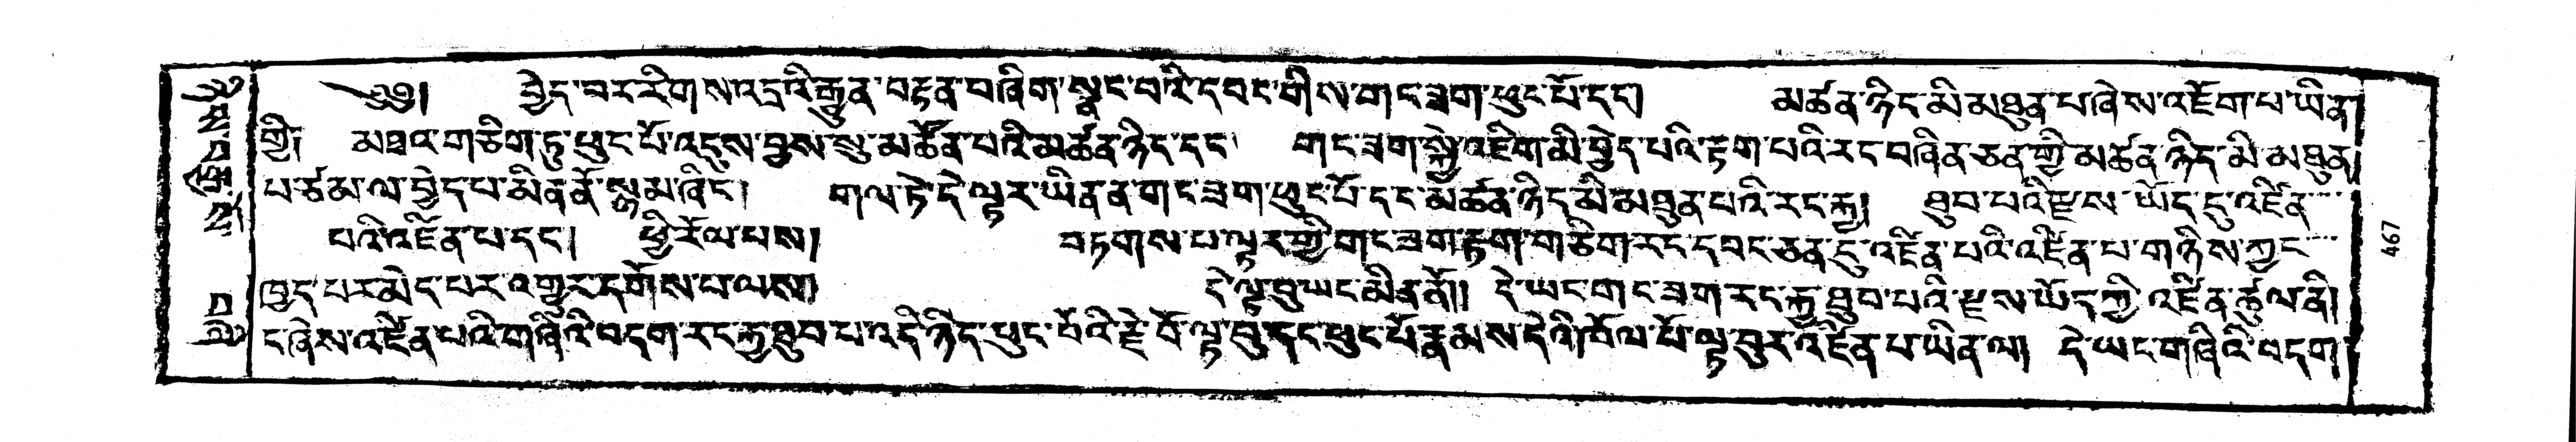༄༅། །བྱེད་བར་རིགས་འདྲའི་རྒྱུན་བརྟན་བཞིག་སྣང་བའི་དབང་གིས་གང་ཟག་ཕུང་པོ་དང་། མཚན་ཉིད་མི་མཐུན་པ་ཞེས་འཇོག་པ་ཡིན་
གྱི༑ མཐའ་གཅིག་ཏུ་ཕུང་པོ་འདུས་བྱས་སུ་མཚོན་པའི་མཚན་ཉིད་དང་། གང་ཟག་སྐྱེ་འཇིག་མི་བྱེད་པའི་རྟག་པའི་རང་བཞིན་ཅན་གྱི་མཚན་ཉིད་མི་མཐུན་
པ་ཙམ་ལ་བྱེད་པ་མིན་ནོ་སྙམ་ཞིང་། གལ་ཏེ་དེ་ལྟར་ཡིན་ན་གང་ཟག་ཕུང་པོ་དང་མཚན་ཉིད་མི་མཐུན་པའི་རང་རྐྱ། ཐུབ་པའི་རྫས་ཡོད་དུ་འཛིན་
པའི་འཛིན་པ་དང་། ཕྱི་རོལ་པས། བཏགས་པ་ལྟར་གྱི་གང་ཟག་རྟག་གཅིག་རང་དབང་ཅན་དུ་འཛིན་པའི་འཛིན་པ་གཉིས་ཀྱང་
ཁྱད་པར་མེད་པར་འགྱུར་དགོས་པ་ལས། དེ་ལྟ་བུ་ཡང་མིན་ནོ། །དེ་ཡང་གང་ཟག་རང་རྐྱ་ཐུབ་པའི་རྫས་ཡོད་ཀྱི་འཛིན་ཚུལ་ནི།
ང་ཞེས་འཛིན་པའི་གཞིའི་བདག་རང་རྐྱ་ཐུབ་པ་འདི་ཉིད་ཕུང་པོའི་རྗེ་བོ་ལྟ་བུ་དང་ཕུང་པོ་རྣམས་དེའི་ཁོལ་པོ་ལྟ་བུར་འཛིན་པ་ཡིན་ལ། དེ་ཡང་གཞིའི་བདག་